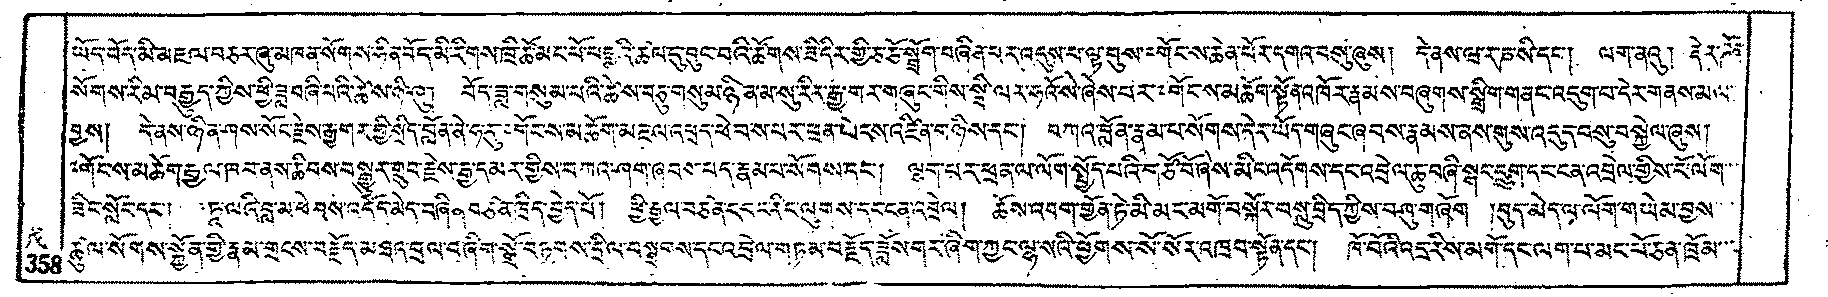ཡོད་བོད་མི་མཇལ་བཅར་ཞུ་མཁན་སོགས་ཧིན་བོད་མི་རིགས་ཁྲི་ཚོ་མང་པོ་པདམའི་ཚལ་དུ་བུང་བའི་ཚོགས་ཟི་དིར་གྱི་ཅ་ཅོ་སྒྲོག་བཞིན་པར་འདུས་པ་ལྟ་བུས་༧གོང་ས་ཆེན་པོར་དགའ་བསུ་ཞུས། དེ་ནས་ཝ་ར་ཎ་སི་དང་། ལག་ནའུ། རྡེར་ཌོན་
སོགས་རིམ་བརྒྱུད་ཀྱིས་ཕྱི་ཟླ་བཞི་པའི་ཚེས་ཉི་ཤུ། བོད་ཟླ་གསུཨེ་པའི་ཚེས་བཅུ་གསུམ་ཉིན་མ་སུ་རིར་རྒྱ་གར་གཞུང་གིས་སྦི་?ཨར་ཧའོ་སེ་ཞེས་པར་༧གོང་ས་མཆོག་སྟོན་འཁོར་རྣམས་བཞུགས་སྒྲིག་གནང་འདུག་པ་དེར་གནས་མལ་
བྱས། དེནས་ཉིན་ཤས་སོང་རྗེས་རྒྱ་གར་གྱི་སྲིད་བློན་ནེ་ཧ་རུ་༧གོང་ས་མཆོག་མཇལ་འཕྲད་ཕེབས་པར་ཕྲན་ཕེངས་འཛིན་གཉིས་དང་། བཀའ་བློན་རྣམ་པ་སོགས་དེར་ཡོད་གཞུང་ཞབས་རྣམས་ནས་གུས་འདུད་བསུ་བསྐྱེལ་ཞུས།
༧གོང་ས་མཆོག་རྒྱལ་ཁབ་ནས་ཆིབས་བསྒྱུར་གྲུབ་རྗེས་རྒྱ་དམར་གྱིས་བཀའ་ཤག་ཞབས་པད་རྣམ་པ་སོགས་དང་། ལྷག་པར་ཕྲན་ལ་ལོག་སྤྱོད་པའི་གཙོ་བོ་ཞེས་མིང་འདོགས་དང་འབྲེལ་ཆུ་བཞི་སྒང་དྲུག་དང་ངན་འབྲེལ་གྱིས་ངོ་ལོག་
ཇིང་སློང་དང་། ཏཱ་ལའི་བླ་མ་ཕེབས་འདོད་མེད་བཞིན་བཙན་ཁྲིད་བྱེད་པོ། ཕྱི་རྒྱལ་བཙན་དབང་རིང་ལུགས་དང་ངན་འབྲེལ། ཆོས་འབག་གྱོན་ཏེ་མི་མང་མགོ་བསྐོར་བསླུ་བྲིད་ཀྱིས་བཤུ་གཞོག །བུད་མེད་ལ་ལོག་གཡེམ་བྱས་
ཚུལ་སོགས་སྐྱོན་གྱི་རྣམ་གྲངས་བརྗོད་མཐའ་བྲལ་བ་ཞིག་སྒྲོ་བཏགས་དྲིལ་བསྒྲགས་དང་འབྲེལ་གཏམ་བརྗོད་ཟློས་གར་ཞིག་ཀྱང་ལྷ་སའི་ཕྱོགས་སོ་སོར་འཁྲབ་སྟོན་དང་། ཁོ་བོའི་འདྲ་རིས་མགོ་དང་ལག་པ་མང་པོ་ཅན་ཁྲོམ་